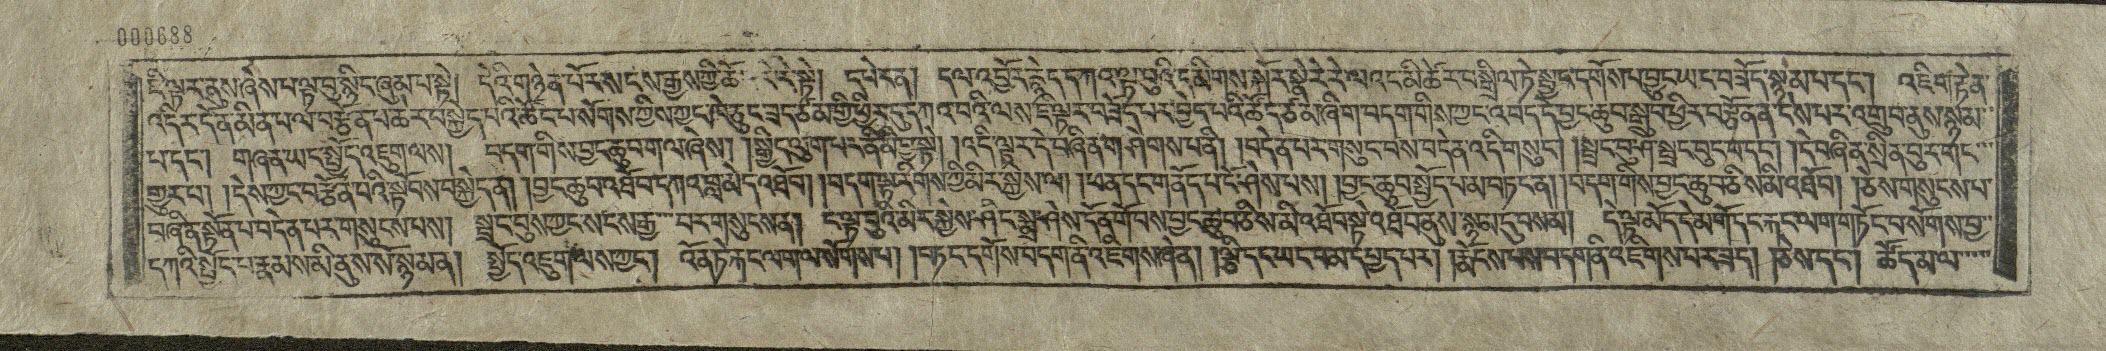ཇི་ལྟར་ནུས་ཞེས་པ་ལྟ་བུ་སྙིང་ཞུམ་པ་སྟེ། དེའི་གཉེན་པོར་སངས་རྒྱས་ཀྱི་ཆོས་རེ་རེ་སྟེ། དཔེར་ན། དལ་འབྱོར་རྙེད་དཀའ་ལྟ་བུའི་དམིགས་སྐོར་སྣེ་རེ་རེ་ལའང་མི་ཚེར་བསྒྲིལ་ཏེ་སྦྱང་དགོས་པ་བྱུང་ཡང་བཟོད་སྙམ་པ་དང་། འཇིག་རྟེན་
འདིར་དོན་མིན་པ་ལ་བརྩོན་པ་ཆེར་བསྐྱེད་པའི་ཚོང་པ་སོགས་ཀྱིས་ཀྱང་ཁེ་ཅུང་ཟད་ཙམ་གྱི་ཕྱིར་དུ་དཀའ་བའི་ལས་ཇི་ལྟར་བཟོད་པར་བྱེད་པའི་ཚོད་ཙམ་ཞིག་བདག་གིས་ཀྱང་འབད་དེ་བྱང་ཆུབ་སྒྲུབ་ཕྱིར་བརྩོན་ན་ངེས་པར་འགྲུབ་ནུས་སྙམ་
པ་དང་། གཞན་ཡང་སྤྱོད་འཇུག་ལས། བདག་གིས་བྱང་ཆུབ་ག་ལ་ཞེས། །སྒྱིད་ལུག་པར་ནི་མི་བྱ་སྟེ། །འདི་ལྟར་དེ་བཞིན་གཤེགས་པ་ནི། །བདེན་པར་གསུང་བས་བདེན་འདི་གསུང་། །སྦྲང་བུ་ཤ་སྦྲང་བུང་བ་དང་། །དེ་བཞིན་སྲིན་བུར་གང་
གྱུར་པ། །དེས་ཀྱང་བརྩོན་པའི་སྟོབས་བསྐྱེད་ན། །བྱང་ཆུབ་འཐོབ་དཀའ་བླ་མེད་འཐོབ། །བདག་ལྟ་རིགས་ཀྱི་མིར་སྐྱེས་ལ། །ཕན་དང་གནོད་པ་ངོ་ཤེས་པས། །བྱང་ཆུབ་སྤྱོད་པ་མ་བཏང་ན། །བདག་གིས་བྱང་ཆུབ་ཅིས་མི་འཐོབ། །ཅེས་གསུངས་པ་
བཞིན་སྟོན་པ་བདེན་པར་གསུངས་པས། སྦྲང་བུས་ཀྱང་སངས་རྒྱ་བར་གསུངས་ན། ང་ལྟ་བུའི་མིར་སྐྱེས་ཤིང་སྨྲ་ཤེས་དོན་གོ་བས་བྱང་ཆུབ་ཅིས་མི་འཐོབ་སྟེ་འཐོབ་ནུས་སྙམ་དུ་བསམ། དེ་ལྟ་མོད་དེ་མགོ་དང་རྐང་ལག་གཏོང་བ་སོགས་བྱ་
དཀའི་སྤྱོད་པ་རྣམས་མི་ནུས་སོ་སྙམ་ན། སྤྱོད་འཇུག་ལས་ཀྱང་། འོན་ཏེ་རྐང་ལག་ལ་སོགས་པ། །བཏང་དགོས་བདག་ནི་འཇིགས་ཞེ་ན། །ལྕི་དང་ཡང་བ་མ་དཔྱད་པར། །རྨོངས་པས་བདག་ནི་འཇིགས་པར་ཟད། །ཅེས་དང་། ཚོད་མ་ལ་